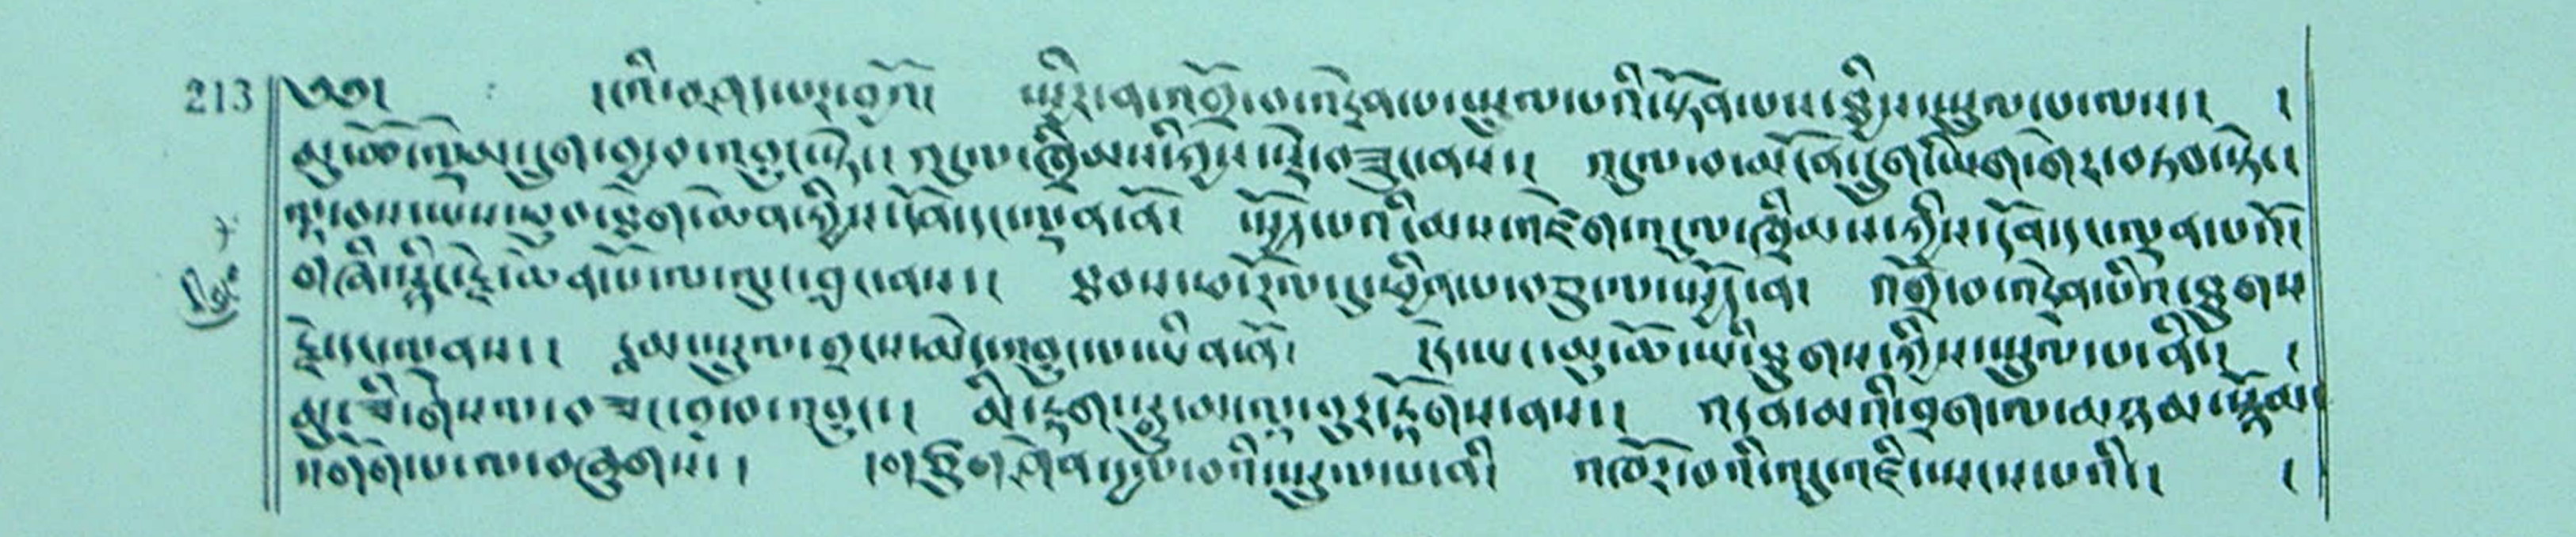༄༅། །ང་ཡིས་བཤད་པར་བྱའོ། །སྤྱིར་ན་འགྲོ་བ་འདྲེན་པ་སྤྲུལ་པའི་སྟོན་པས་ཐུགས་ཀྱིས་སྤྲུལ་པ་ལས། 
མུ་ཆོ་ལྡེམ་དྲུག་བྱ་བ་འབྱུང་ཏེ། འདུལ་ཁྲིམས་ཀྱིས་སྡེ་བཟུང་ནས། འདུལ་པ་མངོན་དྲུག་ཡི་གེར་བཏབ་སྟེ། 
ལྟ་བས་ཡས་ཕུབ་ཐེག་ཆེན་གྱིས་དོན་དང་ལྡན་ནོ། །སྤྱོད་པ་མས་འཛེག་འདུལ་ཁྲིམས་ཀྱིས་དོན་དང་ལྡན་པའོ། །
གཞི་སྙིང་རྗེ་ཆེན་པོ་ལ་ལུང་བླངས་ནས། ཐབས་ཕ་རོལ་དུ་ཕྱིན་པ་བཅུ་ལ་སྤྱོད་ན། འགྲོ་བ་འདྲེན་པའི་ཐུགས་
རྗེ་དང་ལྡན་ནས། རྣམ་སྤྲུལ་གྲངས་མེད་འབྱུང་བ་ཡིན་ནོ། །དེ་ཡང་མུ་ཆོ་ཡི་ཐུགས་ཀྱིས་སྤྲུལ་པ་ནི། 
མུ་ཟི་གསལ་བཟང་བྱ་བ་འབྱུང་། མི་རྟག་སྒྱུ་མ་ལྟ་བུར་རྟོགས་ནས། འདན་མའི་བྲག་ལ་མཉམ་སྙོམ་
འགོག་པ་ལ་བཞུགས། གཙུག་གཤེན་རྒྱལ་བའི་སྤྲུལ་པ་ནི། འཁོར་བའི་འདུ་འཛི་སྤངས་པའི།